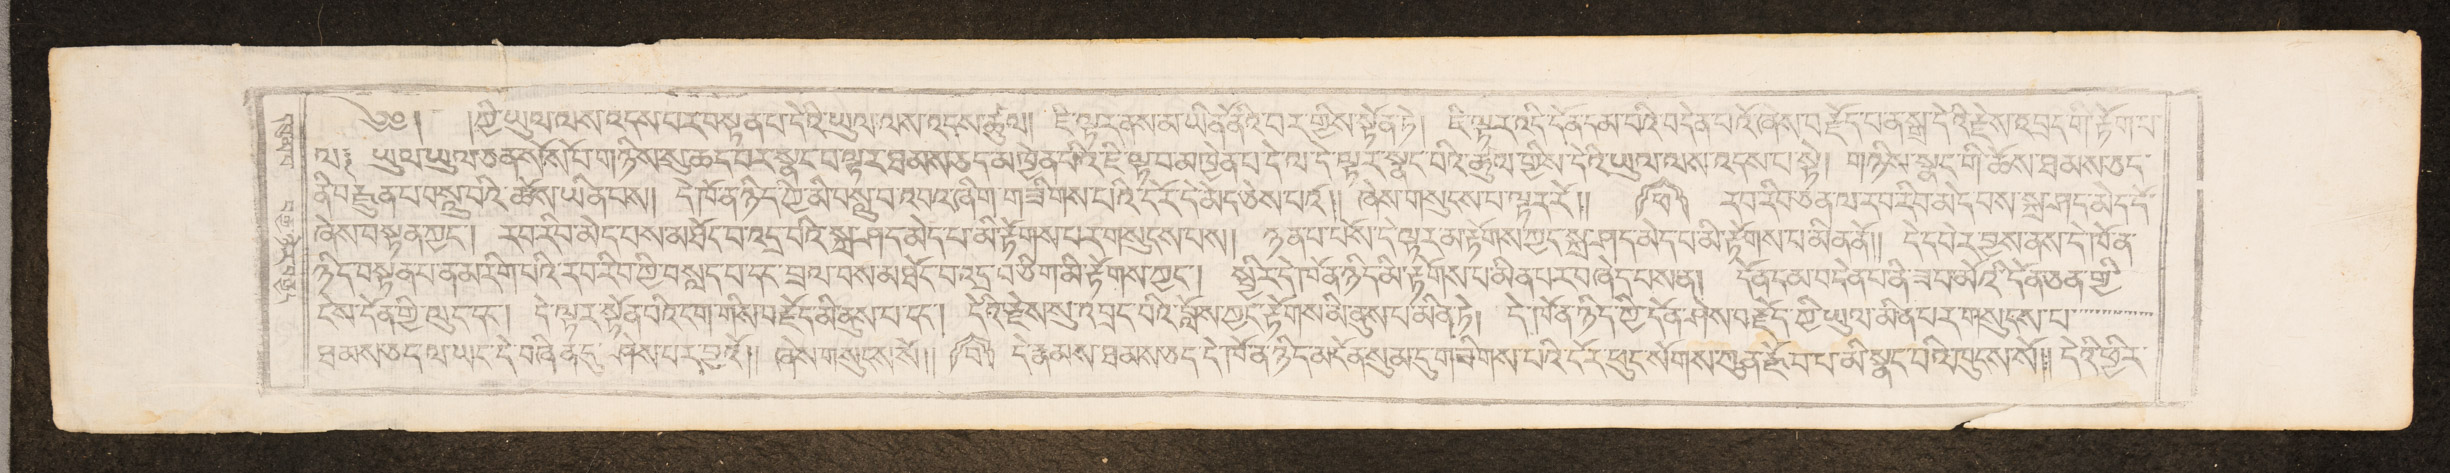༄༅། །ཀྱི་ཡུལ་ལས་འདས་པར་བསྟན་པའི་དེའི་ཡུལ་ལས་འདས་ཚུལ། །ཇི་ལྟར་ནས་མ་ཡིན་ནའི་བར་གྱིས་སྟོན་ཏེ། ཇི་ལྟར་འདི་དོན་དམ་པའི་བདེན་པའོ་ཞེས་བརྗོད་པ་ན་སྒྲ་དེའི་རྗེས་སུ་འབྲང་གི་རྟོག་པ་
ལ༑ ཡུལ་ཡུལ་ཅན་སོ་སོ་བོ་གཉིས་སུ་ཆད་པར་སྣང་བ་ལྟར་ཐམས་ཅད་མཁྱེན་པའི་ཇི་ལྟར་བ་མཁྱེན་པ་དེ་ལ་དེ་ལྟར་སྣང་བའི་ཚུལ་གྱིས་དེའི་ཡུལ་ལས་འདས་པ་སྟེ། གཉིས་སྣང་གི་ཆོས་ཐམས་ཅད་
ནི་བརྫུན་པ་བསླུ་བའི་ཆོས་ཡིན་པས། དེ་ཁོ་ན་ཉིད་ཀྱི་མི་བསླུ་བ་འབའ་ཞིག་གཟིགས་པའི་ངོར་དེ་མེད་ཅེས་པའོ། །ཞེས་གསུངས་པ་ལྟར་རོ།། ༼༽ཕ༼༽ རབ་རིབ་ཅན་ལ་རབ་རིབ་མེད་པས་སྐྲ་ཤད་མེད་དོ་
ཞེས་བསྟན་ཀྱང་། རབ་རིབ་མེད་པས་མཐོང་བ་འདྲ་བའི་སྐྲ་ཤད་མེད་པ་མི་རྟོགས་པར་གསུངས་པས། ཉན་པ་པོས་དེ་ལྟར་མ་རྟོགས་ཀྱང་སྐྲ་ཤད་མེད་པ་མི་རྟོགས་པ་མིན་ནོ།། དེ་དཔེར་བྱས་ནས་དེ་ཁོ་ན་
ཉིད་བསྟན་པ་ནམ་རིག་པའི་རབ་རིབ་ཀྱི་བསླད་པ་དང་བྲལ་བས་མཐོང་བ་འདྲ་བ་ཅིག་མི་རྟོགས་ཀྱང་། སྤྱིར་དེ་ཁོ་ན་ཉིད་མི་རྟོགས་པ་མིན་པར་བཞད་པས་ན། དོན་དམ་བདེན་པ་ནི་ཟབ་མོའི་དོན་ཅན་གྱིས་
ངེས་དོན་གྱི་ལུད་དང་། དེ་ལྟར་སྟོན་པའི་ངག་གིས་བརྗོད་མི་ནུས་པ་དང་། དེའི་རྗེས་སུ་འབྲང་བའི་བློས་ཀྱང་རྟོགས་མི་ནུས་པ་མིན་ཏེ། དེ་ཁོ་ན་ཉིད་ཀྱི་དོན་ཤེས་བརྗོད་ཀྱི་ཡུལ་མིན་པར་གསུངས་པ་
ཐམས་ཅད་ལ་ཡང་དེ་བཞིན་དུ་ཤེས་པར་བྱའོ། །ཞེས་གསུངས་སོ།། ༼༽བ༼༽ དེ་རྣམས་ཐམས་ཅད་དེ་ཁོ་ན་ཉིད་མངོན་སུམ་དུ་གཟིགས་པའི་ངོར་ཕུང་སོགས་ཀུན་རྫོབ་པ་མི་སྣང་བའི་ཁུངས་སོ།། དེའི་ཕྱིར་